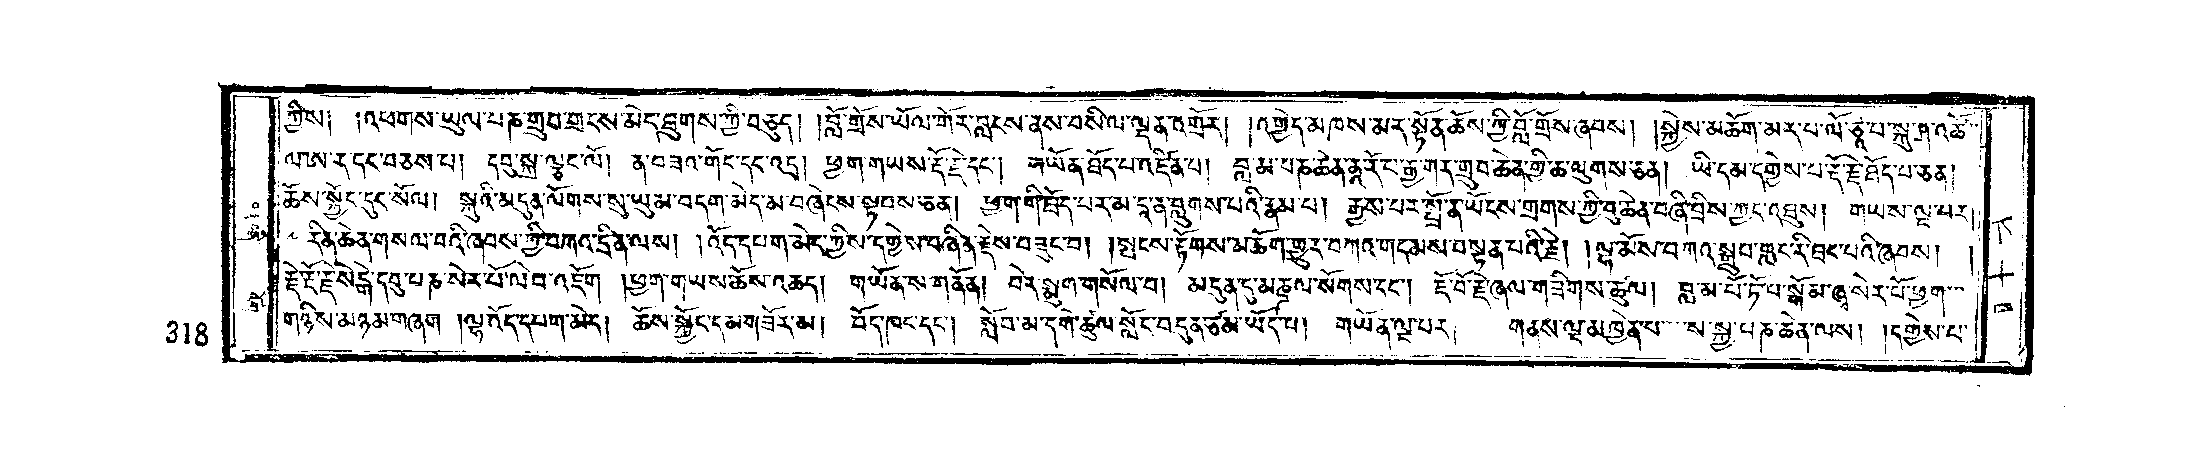ཀྱིས། །འཕགས་ཡུལ་པཎ་གྲུབ་གྲངས་མེད་ཐུགས་ཀྱི་བཅུད། །བློ་གྲོས་ཡོལ་གོར་བླངས་ནས་བསིལ་ལྡན་འགྲོར། །འགྱེད་མཁས་མར་སྟོན་ཆོས་ཀྱི་བློ་གྲོས་ཞབས། །སྐྱེས་མཆོག་མར་པ་ལོ་ཙཱ་པ་སྐུ་ཤ་འཚོ་
ལ་ཨ་ར་དང་བཅས་པ། དབུ་སྐྲ་ལྕང་ལོ། ན་བཟའ་གོང་དང་འདྲ། ཕྱག་གཡས་རྡོ་རྗེ་དང་། གཡོན་ཐོད་པ་འཛིན་པ། བླ་མ་པཎ་ཆེན་ནཱ་རོ་པ་རྒྱ་གར་གྲུབ་ཆེན་གྱི་ཆ་ལུགས་ཅན། ཡི་དམ་དགྱེས་པ་རྡོ་རྗེ་ཐོད་པ་ཅན།
ཆོས་སྐྱོང་དུང་སོལ། སྐུའི་མདུན་ལོགས་སུ་ཡུམ་བདག་མེད་མ་བཞེངས་སྟབས་ཅན། ཕྱག་གི་ཐོད་པར་མ་དཱ་ན་བླུགས་པའི་རྣམ་པ། རྒྱས་པར་སྤྲོ་ན་ཡོངས་གྲགས་ཀྱི་བུ་ཆེན་བཞི་བྲིས་ཀྱང་འཐུས། གཡས་ལྔ་པར།
༧་རིན་ཆེན་གསལ་བའི་ཞབས་ཀྱི་བཀའ་དྲིན་ལས། །འོད་དཔག་མེད་ཀྱིས་དགྱེས་བཞིན་རྗེས་བཟུང་བ། །སྤངས་རྟོགས་མཆོག་གྱུར་བཀའ་གདམས་བསྟན་པའི་རྗེ། །ལྷ་མོས་བཀའ་སྒྲུབ་གླང་རི་ཐང་པའི་ཞབས། །
རྗེ་རྡོ་རྗེ་སེངྒེ་དབུ་པཎ་སེར་པོ་ལེབ་འཇོག །ཕྱག་གཡས་ཆོས་འཆད། གཡོན་ས་གནོན། བེར་སྨུག་གསོལ་བ། མདུན་དུ་མཎྜལ་སོགས་དང་། ཇོ་བོ་རྗེ་ཞལ་གཟིགས་ཚུལ། བླ་མ་པོ་ཏོ་པ་སྒོམ་ཞྭ་སེར་པོ་ཕྱག་
གཉིས་མཉམ་གཞག །ལྷ་འོད་དཔག་མེད། ཆོས་སྐྱོང་དམག་ཟོར་མ། བོད་ཁང་དང་། སློབ་མ་དགེ་ཚུལ་སློང་བདུན་ཙམ་ཡོད་པ། གཡོན་ལྔ་པར། གནས་ལྔ་མཁྱེན་པ་ས་སྐྱ་པཎ་ཆེན་ལས། །དགྱེས་པ་